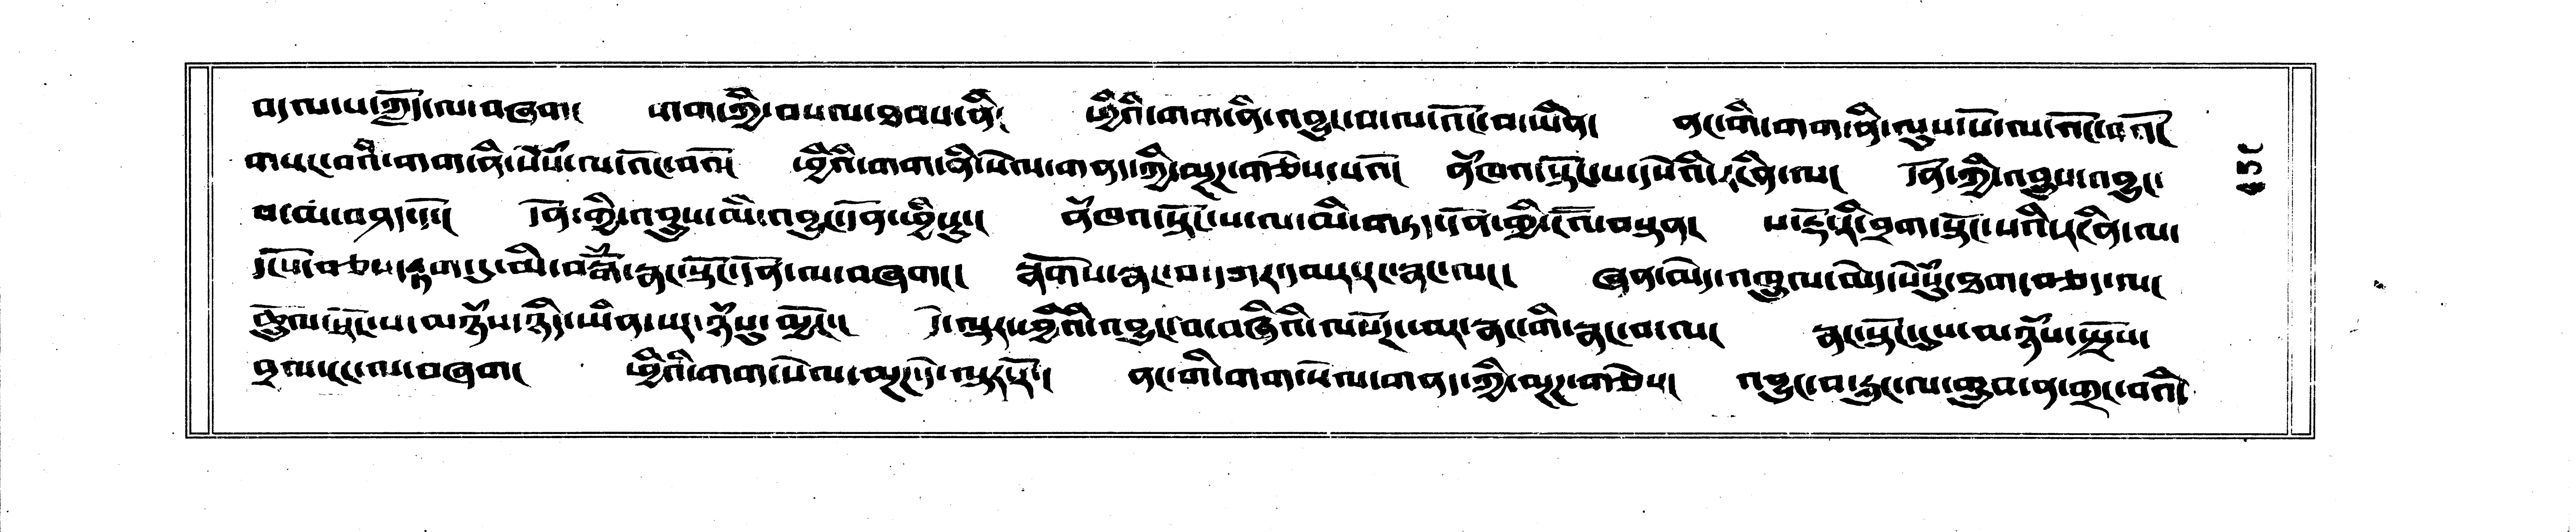བདལ་པས་ཀློད་ལ་ཞོག གགས་ཀྱི་བསལ་ཐབས་ནི། ཕྱིའི་གགས་ནི་འབྱུང་པ་ལ་འོང་པ་ཡིན། ནང་གི་གེགས་ནི་ལུས་ལ་འོང་པའོ། 
གསང་བའི་གེགས་ནི་སེམས་ལས་འོང་པའོ། ཕྱིའི་གགས་སེལ་གནད་ཀྱིས་མེན་ངག་གཅེས། ནམ་མཁའ་སྟོང་པ་དཔེའི་རང་བཞིན་ལ། དོན་གྱིས་འབྲས་བུ་འབྱུང་
པར་མ་བཤད་དོ། དོན་གྱིས་འབྲས་བུ་མི་འབྱུང་དོན་ཕྱི་རུ་ནམ་མཁའ་སྟོང་པ་ལ་མི་གཏད་དོན་གྱིས་ངོའོ་བསྟན། ས་རྡོ་རི་བྲག་སྟོང་པའི་རང་བཞིན་ལ། 
དངོས་བཅས་རྟགས་སུ་མི་སྒོམ་སྣང་སྟོང་དོན་ལ་བཞག སྣ་ཚོགས་སྣང་བ་དཀར་དམར་རང་སྣང་ལ། ཞེན་མེད་འཁྲུལ་མེད་སེམས་སུ་ཐག་བཅད་ལ། 
ཆོ་འཕྲུལ་སྟོང་པ་ཡིན་པར་ཉམས་སུ་མྱོང་། དེ་ལྟར་ཕྱིའི་འབྱུང་བ་བཞི་ལ་སོགས་བར་སྣང་གིས་སྣང་བ་དང་། སྣང་སྟོང་དུས་མཉམ་སྤྲོས་
བྲལ་དུས་ལ་བཞག ཕྱིའི་གག་སེལ་མེན་ངག་དེ་ལྟར་རོ། ནང་གིས་གགས་སེལ་གནད་ཀྱིས་མེན་ངག་གཅེས། འབྱུང་བ་རླུང་ལ་གྲུབ་ནས་གྲང་པའི་